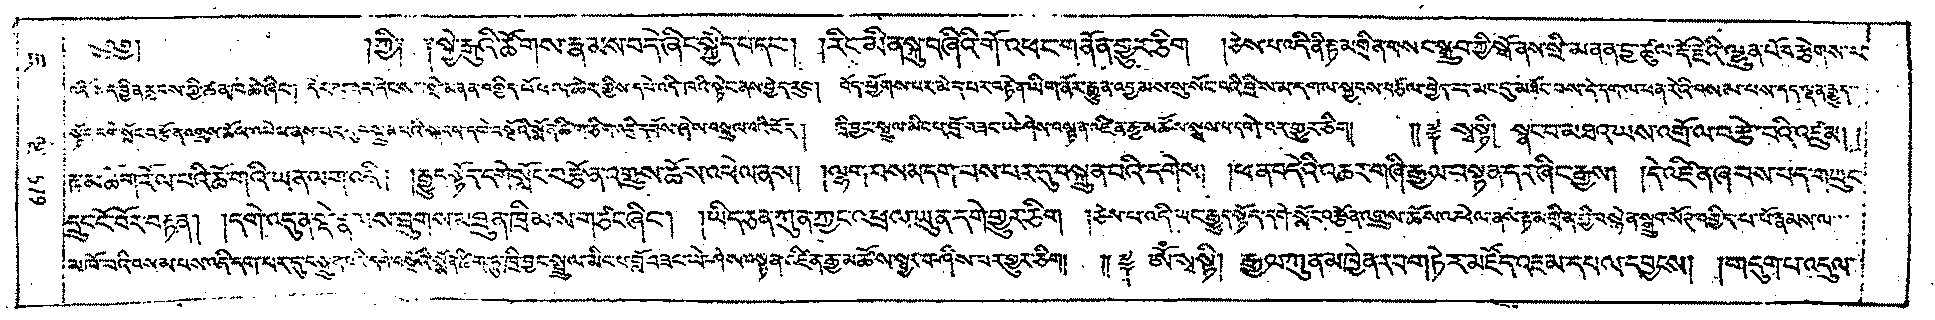༄༅། །ཀྱི༑ ༑སྐྱེ་རྒུའི་ཚོགས་རྣམས་བདེ་ཞིང་སྐྱིད་པ་དང་། །རིང་མིན་སྐུ་བཞིའི་གོ་འཕང་གནོན་གྱུར་ཅིག །ཅེས་པ་འདི་ནི་རྟ་མགྲིན་གསང་སྒྲུབ་ཀྱི་སྒོ་ནས་སྲི་མནན་བྱ་ཚུལ་རྡོ་རྗེའི་ལྷུན་པོ་བརྩེགས་པ་
འདི་ཉིད་བྱིན་རླབས་ཀྱི་ཚན་ཁ་ཆེ་ཞིང་། དེར་མ་ཟད་དེང་སང་སྲི་མནན་བགྱིད་པོ་ཕལ་ཆེར་གྱིས་དཔེ་འདི་ཁའི་སྟེང་ནས་བྱེད་རུང་། བོད་ཕྱོགས་པར་མེད་པར་བརྟེན་ཡིག་ནོར་རྒྱུན་འབྱམས་སུ་སོང་བའི་བྲིས་མ་དག་ལ་སྐྱབས་བཅོལ་བྱེད་པ་མང་དུ་མཐོང་བས་དེ་དག་ལ་ཕན་རེའི་བསམ་པས་དད་ལྡན་རྒྱུད་
སྟོད་དགེ་སློང་བརྩོན་འགྲུས་ཆོས་འཕེལ་ནས་པར་དུ་བསྐྲུན་པའི་སྐབས་དགེ་བསྔོའི་སྨོན་ཚིག་ཅིག་འབྲི་དགོས་ཞེས་བསྐུལ་བའི་ངོར། ཁྲི་བྱང་སྤྲུལ་མིང་པ་བློ་བཟང་ཡེ་ཤེས་བསྟན་འཛིན་རྒྱ་མཚོས་སྨྲས་པ་དགེ་བར་གྱུར་ཅིག ། །། ༈ སྭ་སྟི། སྣང་བ་མཐའ་ཡས་འགྲོ་ལ་བརྩེ་བའི་འཛུམ། །
རྟ་མཆོག་རོལ་པའི་ཆོ་གའི་ཡན་ལག་འདི། །རྒྱུད་སྟོད་དགེ་སློང་བརྩོན་འགྲུས་ཆོས་འཕེལ་ནས། །ལྷག་བསམ་དག་པས་པར་དུ་བསྐྲུན་པའི་དགེས། །ཕན་བདེའི་འཆར་གཞི་རྒྱལ་བསྟན་དར་ཞིང་རྒྱས། །དེ་འཛིན་ཞབས་པད་གཡུང་
དྲུང་ངོ་བོར་བརྟན། །དགེ་འདུན་སྡེ་རྣམས་ཐུགས་མཐུན་ཁྲིམས་གཙང་ཞིང་། །ཡིད་ཅན་ཀུན་ཀྱང་འཕྲལ་ཡུན་དགེ་གྱུར་ཅིག །ཅེས་པ་འདི་ཡང་རྒྱུད་སྟོད་དགེ་སློང་བརྩོན་འགྲུས་ཆོས་འཕེལ་ནས་རྟ་མགྲིན་གྱི་བསྙེན་སྒྲུབ་སོཌ་བགྱིད་པ་པོ་རྣམས་ལ་
མཁོ་བའི་བསམ་པས་འདི་དག་པར་དུ་བསྐྲུན་པའི་དགེ་བསྔོའི་སྨོན་ཚིག་ཏུ་ཁྲི་བྱང་སྤྲུལ་མིང་པ་བློ་བཟང་ཡེ་ཤེས་བསྟན་འཛིན་རྒྱ་མཚོས་སྦྱར་བ་ཤིས་པར་གྱུར་ཅིག ། །། ༈ ཨོཾ་སྭ་སྟི། རྒྱལ་ཀུན་མཁྱེན་རབ་གཏེར་མཛོད་འཇམ་དཔལ་དབྱངས། །གདུག་པ་འདུལ་